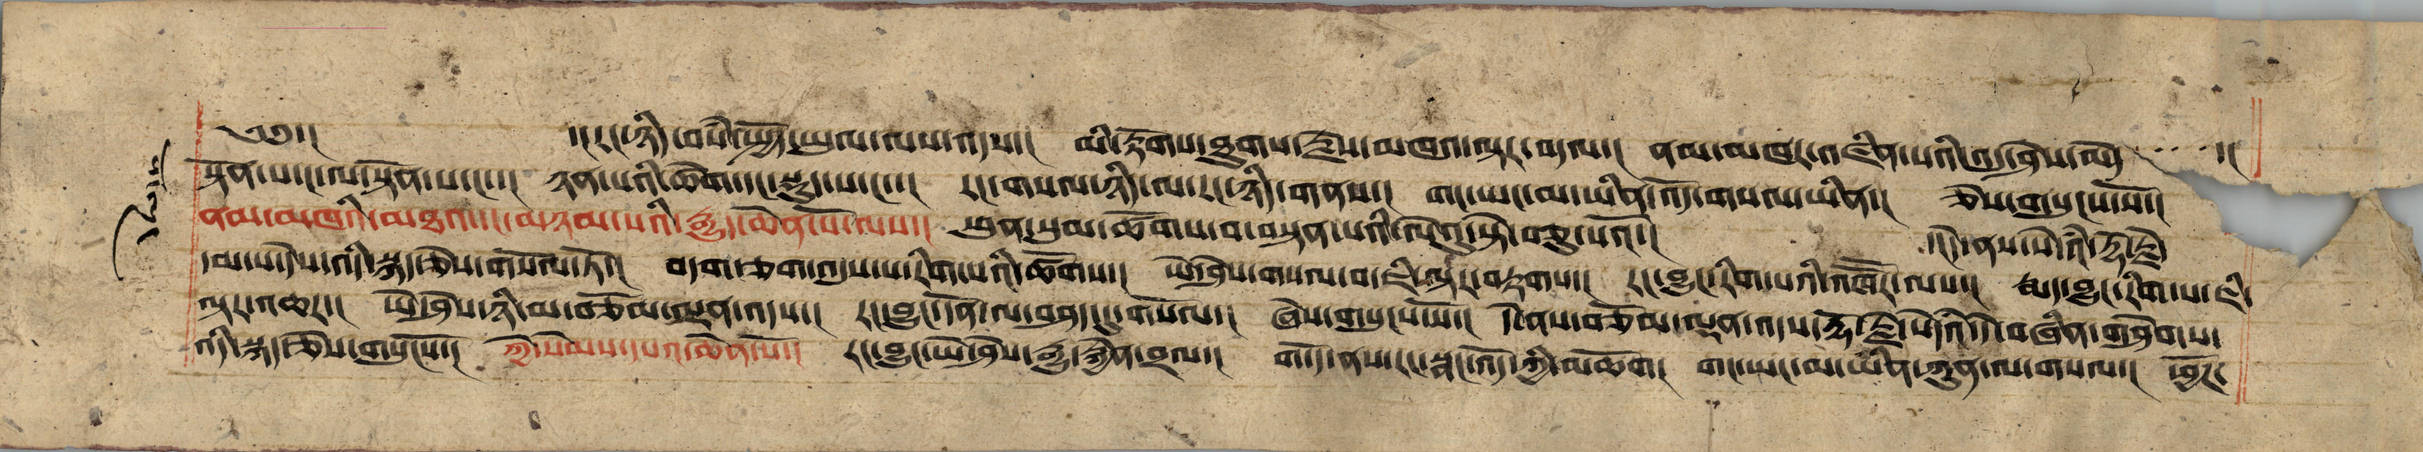༄༅་། ་།རང་ཉིད་བསཾ་སྤྱོད་ཡུལ་ལས་འདས་། མི་རྟོགས་ཐུགས་རྗེས་མཁའ་ལྟར་བདལ་། ནམ་མཁར་འཛིན་པའི་འདུ་ཤེས་མེད
སྟོན་པ་ང་ལ་སྟོན་པ་ང་་། ཉན་པའི་ཚེག་དང་སྡུད་པ་ང་་། རང་གསལ་ཉིད་ལ་རང་ཉིད་གནས་། གང་ཡང་མ་ཡིན་འོད་གསལ་ཡིན་། ཅེས་གསུངས་སོ་།
ནམ་མཁའི་མཐའ་དང་མཉམ་པའི་རྒྱུད་ཆེན་པོ་ལས་། ཕུན་སུམ་ཚོགས་བ་བསྟན་པའི་ལེའུ་སྟེ་བཅུ་པའོ་། ་།དེ་ནས་སེདཾའ་རྡོ་རྗེ་
དམ་པ་དེས་འདི་སྐད་ཅེས་གསོལ་ཏེ་། བདག་ཅག་འདུས་པ་རིག་པའི་ཚོགས་། ཡེ་ཤེས་གསལ་བ་ཇི་ལྟར་བརྟགས་། རང་བྱུང་རིག་པའི་འཁཽར་ལས་། རྨད་བྱུང་རིག་པ་ཇི་
ལྟར་འཆར་། ཡེ་ཤེས་ཉི་མ་བཅོམ་ལྡན་འདས་། རང་བྱུང་དོན་ལ་བཤད་དུ་གསོལ་། ཞེས་གསུངས་སོ་། དེ་ནས་བཅོམ་ལྡན་འདས་རྡོ་རྗེ་སེདཾའ་དེ་བཞིན་གཤེགས་
འདི་སྐད་ཅེས་གསུངས་སོ་། ཀྱེ་སེམས་དཔའ་ཆེན་པོ་། རང་བྱུང་ཡེ་ཤེས་རྒྱུ་རྐྱེན་བྲལ་། གདོད་ནས་རང་སྣང་འོད་ཀྱི་མཆོག། གང་ཡང་མ་ཡིན་ཀུན་ལ་གསལ་། ཕྱོཌ་